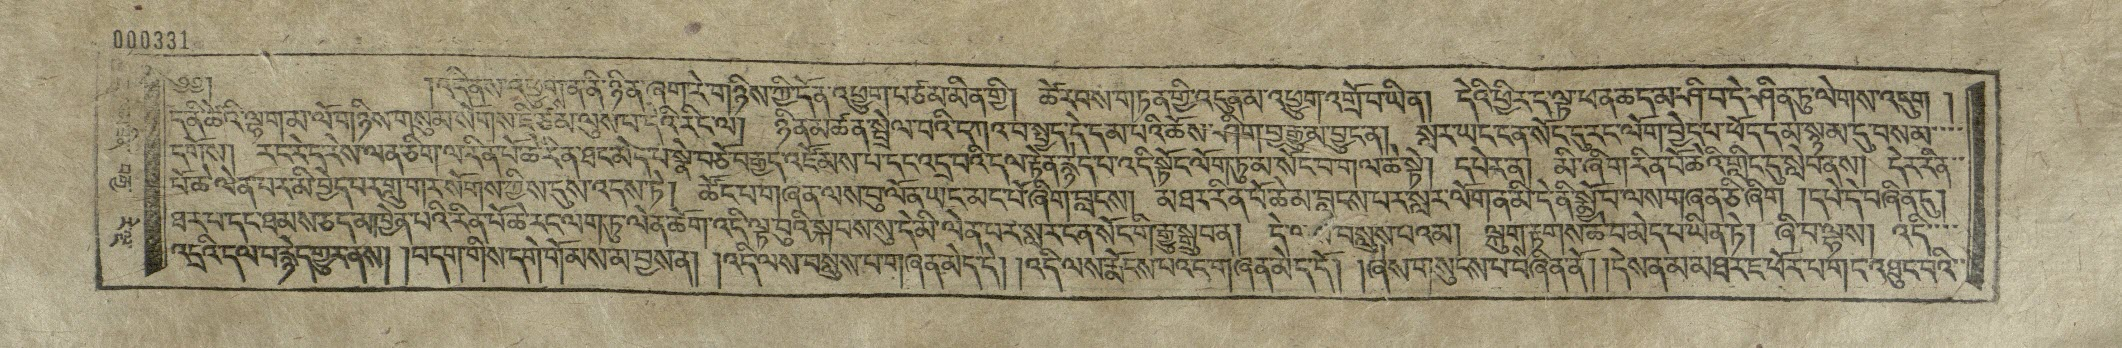༄༅། །འདི་ནས་འཕྱུགས་ན་ནི་ཉིན་ཞག་རེ་གཉིས་ཀྱི་དོན་འཕྱུག་པ་ཙམ་མིན་གྱི། ཚེ་རབས་གཏན་གྱི་འདུན་མ་འཕྱུག་འགྲོ་བ་ཡིན། དེའི་ཕྱིར་ད་ལྟ་ཕན་ཆད་མ་ཤི་བ་དེ་ཤིན་ཏུ་ལེགས་འདུག །
ད་ནི་ཚེའི་ལྷག་མ་ལོ་གཉིས་གསུམ་སོགས་ཇི་ཙམ་ལུས་པ་དེའི་རིང་ལ། ཉིན་མཚན་སྦྲེལ་བའི་དཀའ་བ་སྤྱད་དེ་དམ་པའི་ཆོས་ཤིག་བྱ་རྒྱུ་མ་བྱུང་ན། སླར་ཡང་ངན་སོང་དུ་རང་ལོག་བྱེད་པ་ཕོད་དམ་སྙམ་དུ་བསམ་
དགོས། རང་རེ་ད་རེས་ལན་ཅིག་ལ་རིན་པོ་ཆེ་རིན་ཐང་མེད་པ་སྣེ་བཅོ་བརྒྱད་འཛོམས་པ་དང་འདྲ་བའི་དལ་རྟེན་རྙེད་པ་འདི་སྟོང་ལོག་ཏུ་མ་སོང་བ་གལ་ཆེ་སྟེ། དཔེར་ན། མི་ཞིག་རིན་པོ་ཆེའི་གླིང་དུ་སླེབ་ནས། དེར་རིན་
པོ་ཆེ་ལེན་པར་མི་བྱེད་པར་གླུ་གར་སོགས་ཀྱིས་དུས་འདས་ཏེ། ཚོང་པ་གཞན་ལས་བུ་ལོན་ཡང་མང་པོ་ཞིག་བླངས། མཐར་རིན་པོ་ཆེ་མ་བླངས་པར་སླར་ལོག་ན་མི་དེ་ནི་སྨྱོ་བ་ལས་གཞན་ཅི་ཞིག །དཔེ་དེ་བཞིན་དུ།
ཐར་པ་དང་ཐམས་ཅད་མཁྱེན་པའི་རིན་པོ་ཆེ་རང་ལག་ཏུ་ལེན་ཆོག་འདི་ལྟ་བུའི་སྐབས་སུ་དེ་མི་ལེན་པར་སླར་ངན་སོང་གི་རྒྱུ་སྒྲུབ་ན། དེ་ལས་བསླུས་པའམ། ལྐུགས་རྟགས་ཆེ་བ་མེད་པ་ཡིན་ཏེ། ཞི་བ་ལྷས། འདི་
འདྲའི་དལ་བ་རྙེད་གྱུར་ནས། །བདག་གིས་དགེ་གོམས་མ་བྱས་ན། །འདི་ལས་བསླུས་པ་གཞན་མེད་དེ། །འདི་ལས་རྨོངས་པའང་གཞན་མེད་དོ། །ཞེས་གསུངས་པ་བཞིན་ནོ། །དེས་ན་མ་མཐར་ཇ་ཕོར་པ་གང་འཐུང་བའི་